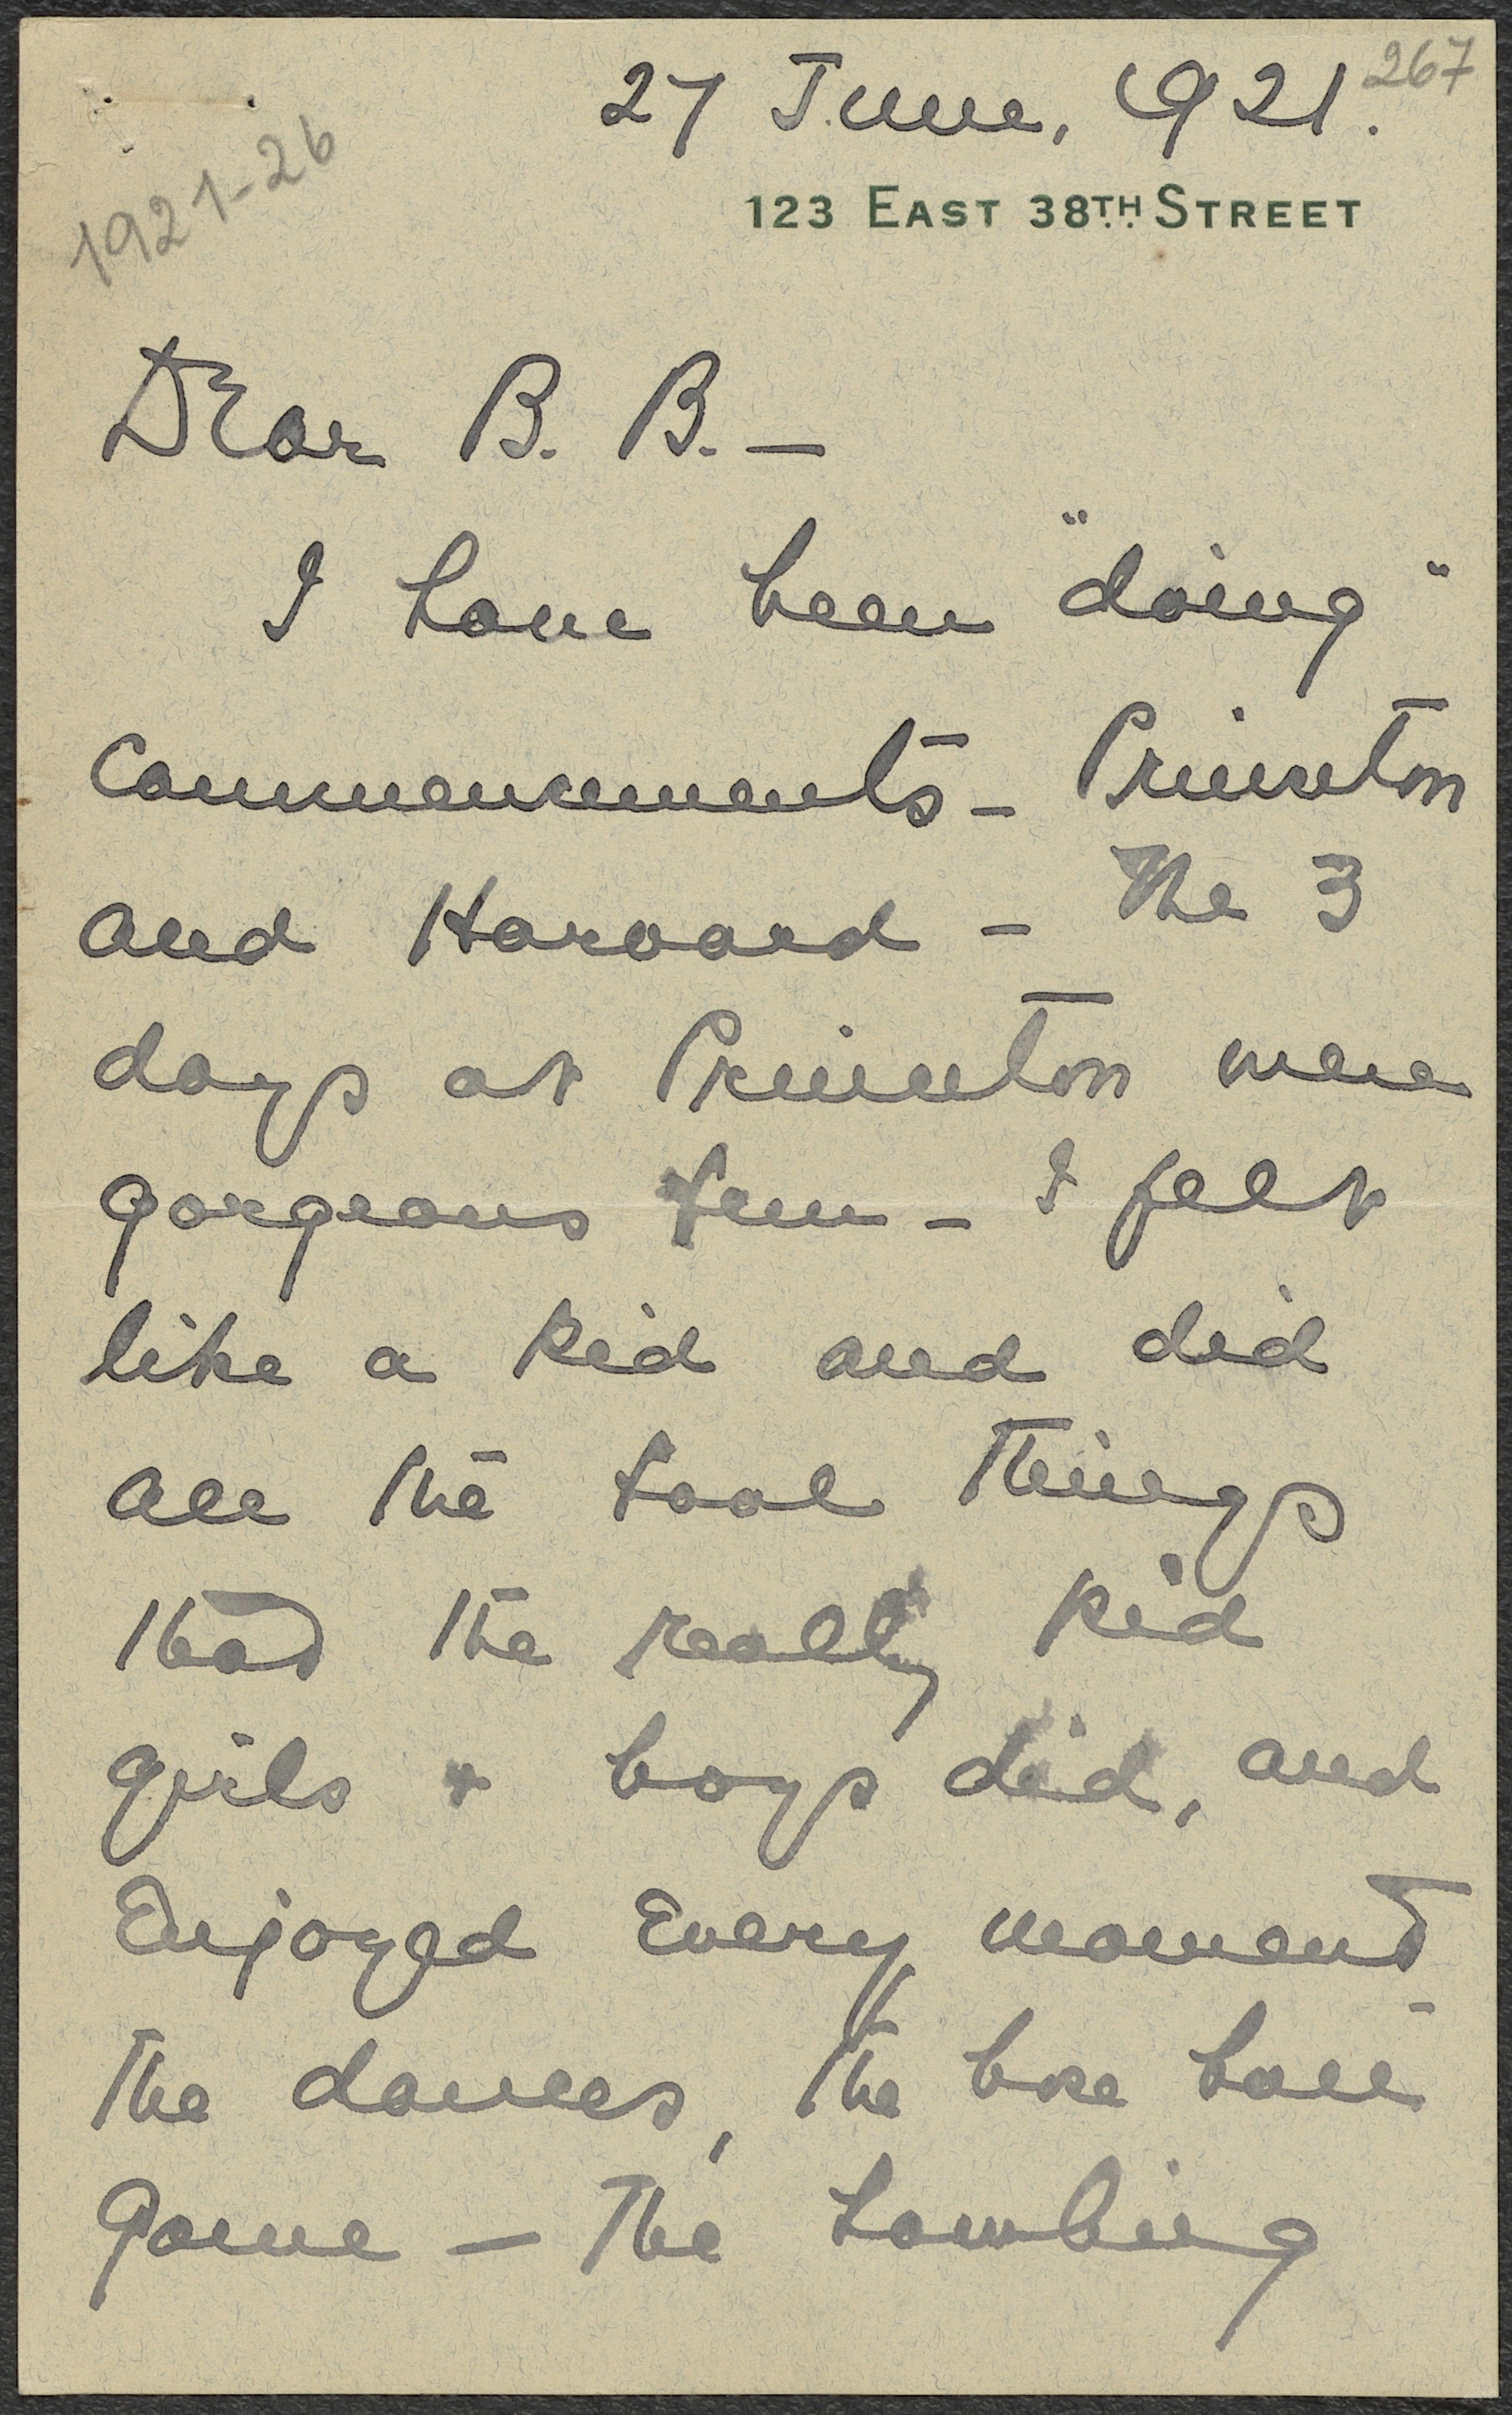27 June, 1921.
Dear B. B. –
I have been “doing” commencements – Princeton and Harvard – The 3 days at Princeton were gorgeous fun – I felt like a kid and did all the fool things that the really kid girls & boys did, and enjoyed every moment – the dances, the baseball game – the howling